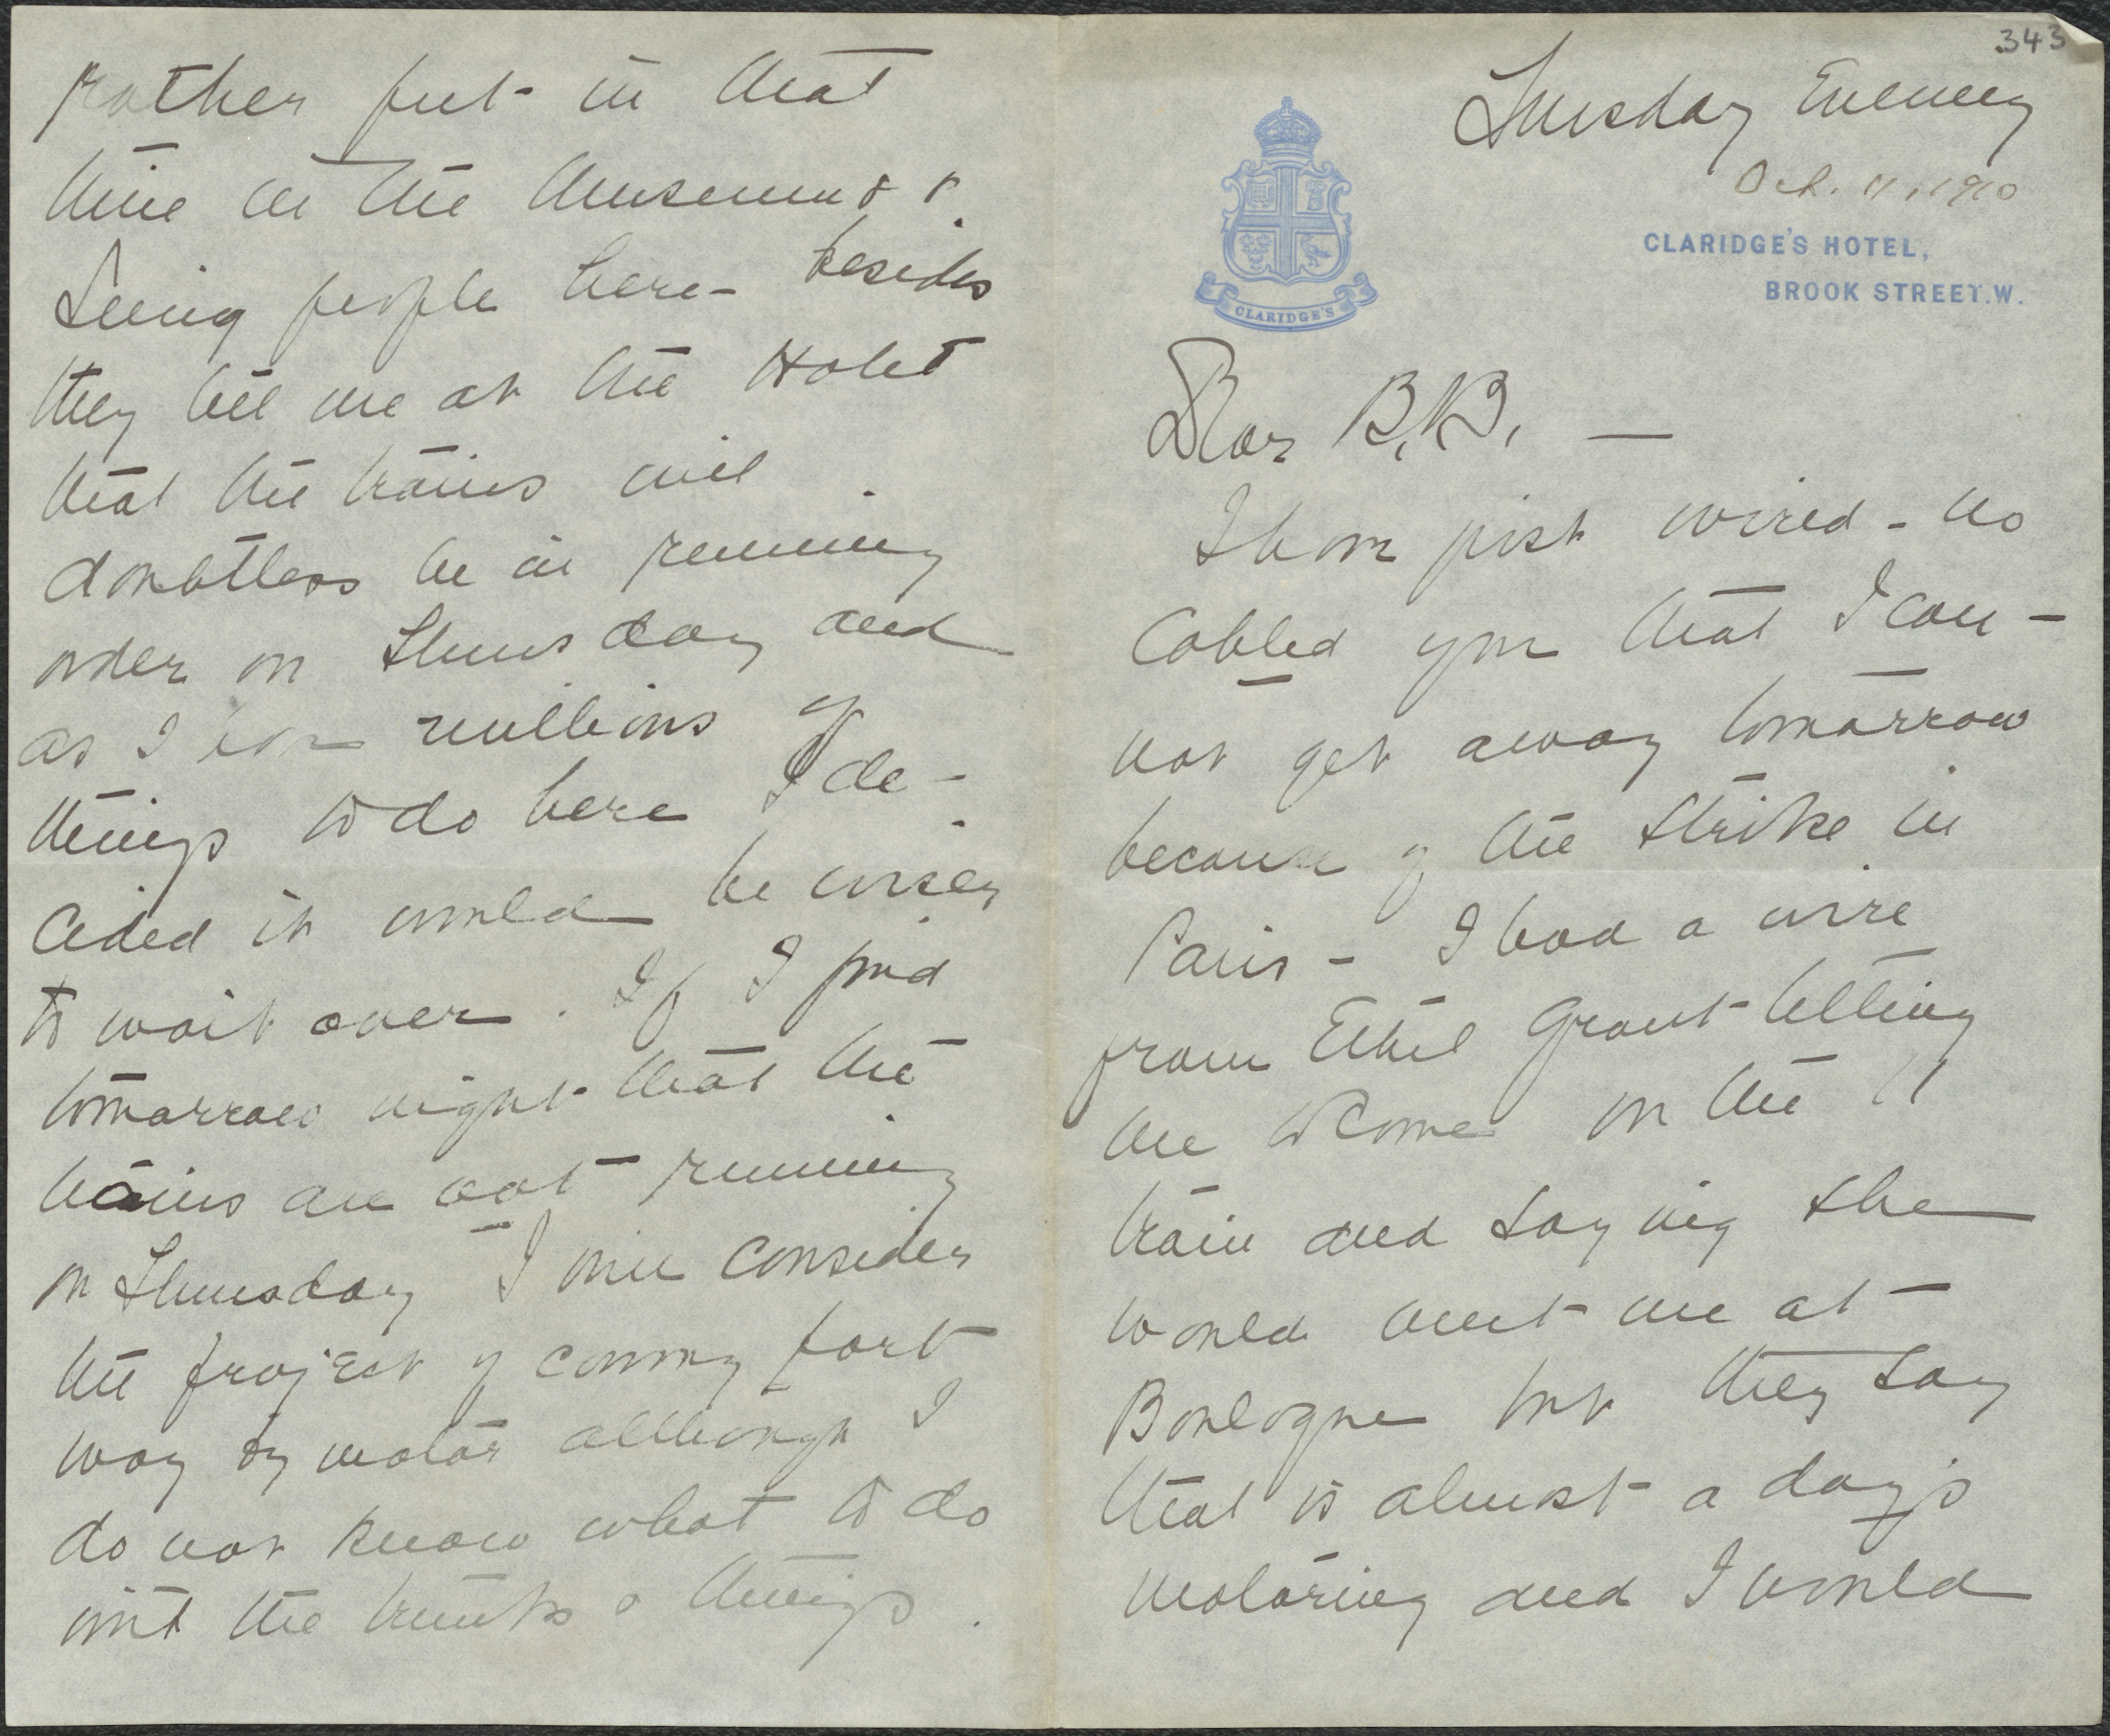Tuesday Evening
Dear B.B. –
I have just wired – no cabled you that I cannot get away tomorrow because of the strike in Paris – I had a wire from Ethel Grant telling me to come on the 11 train and saying she would meet me at Boulogne but they say that is almost a day’s motoring and I would
rather put in that time in the Museums & Seeing people here – besides they tell me at the Hotel that the trains will doubtless be in running order on Thursday and as I have millions of things to do here I decided it would be wiser to wait over. If I find tomorrow night that the trains are not running on Thursday I will consider the project of coming partway by motor although I do not know what to do with the trunks & things